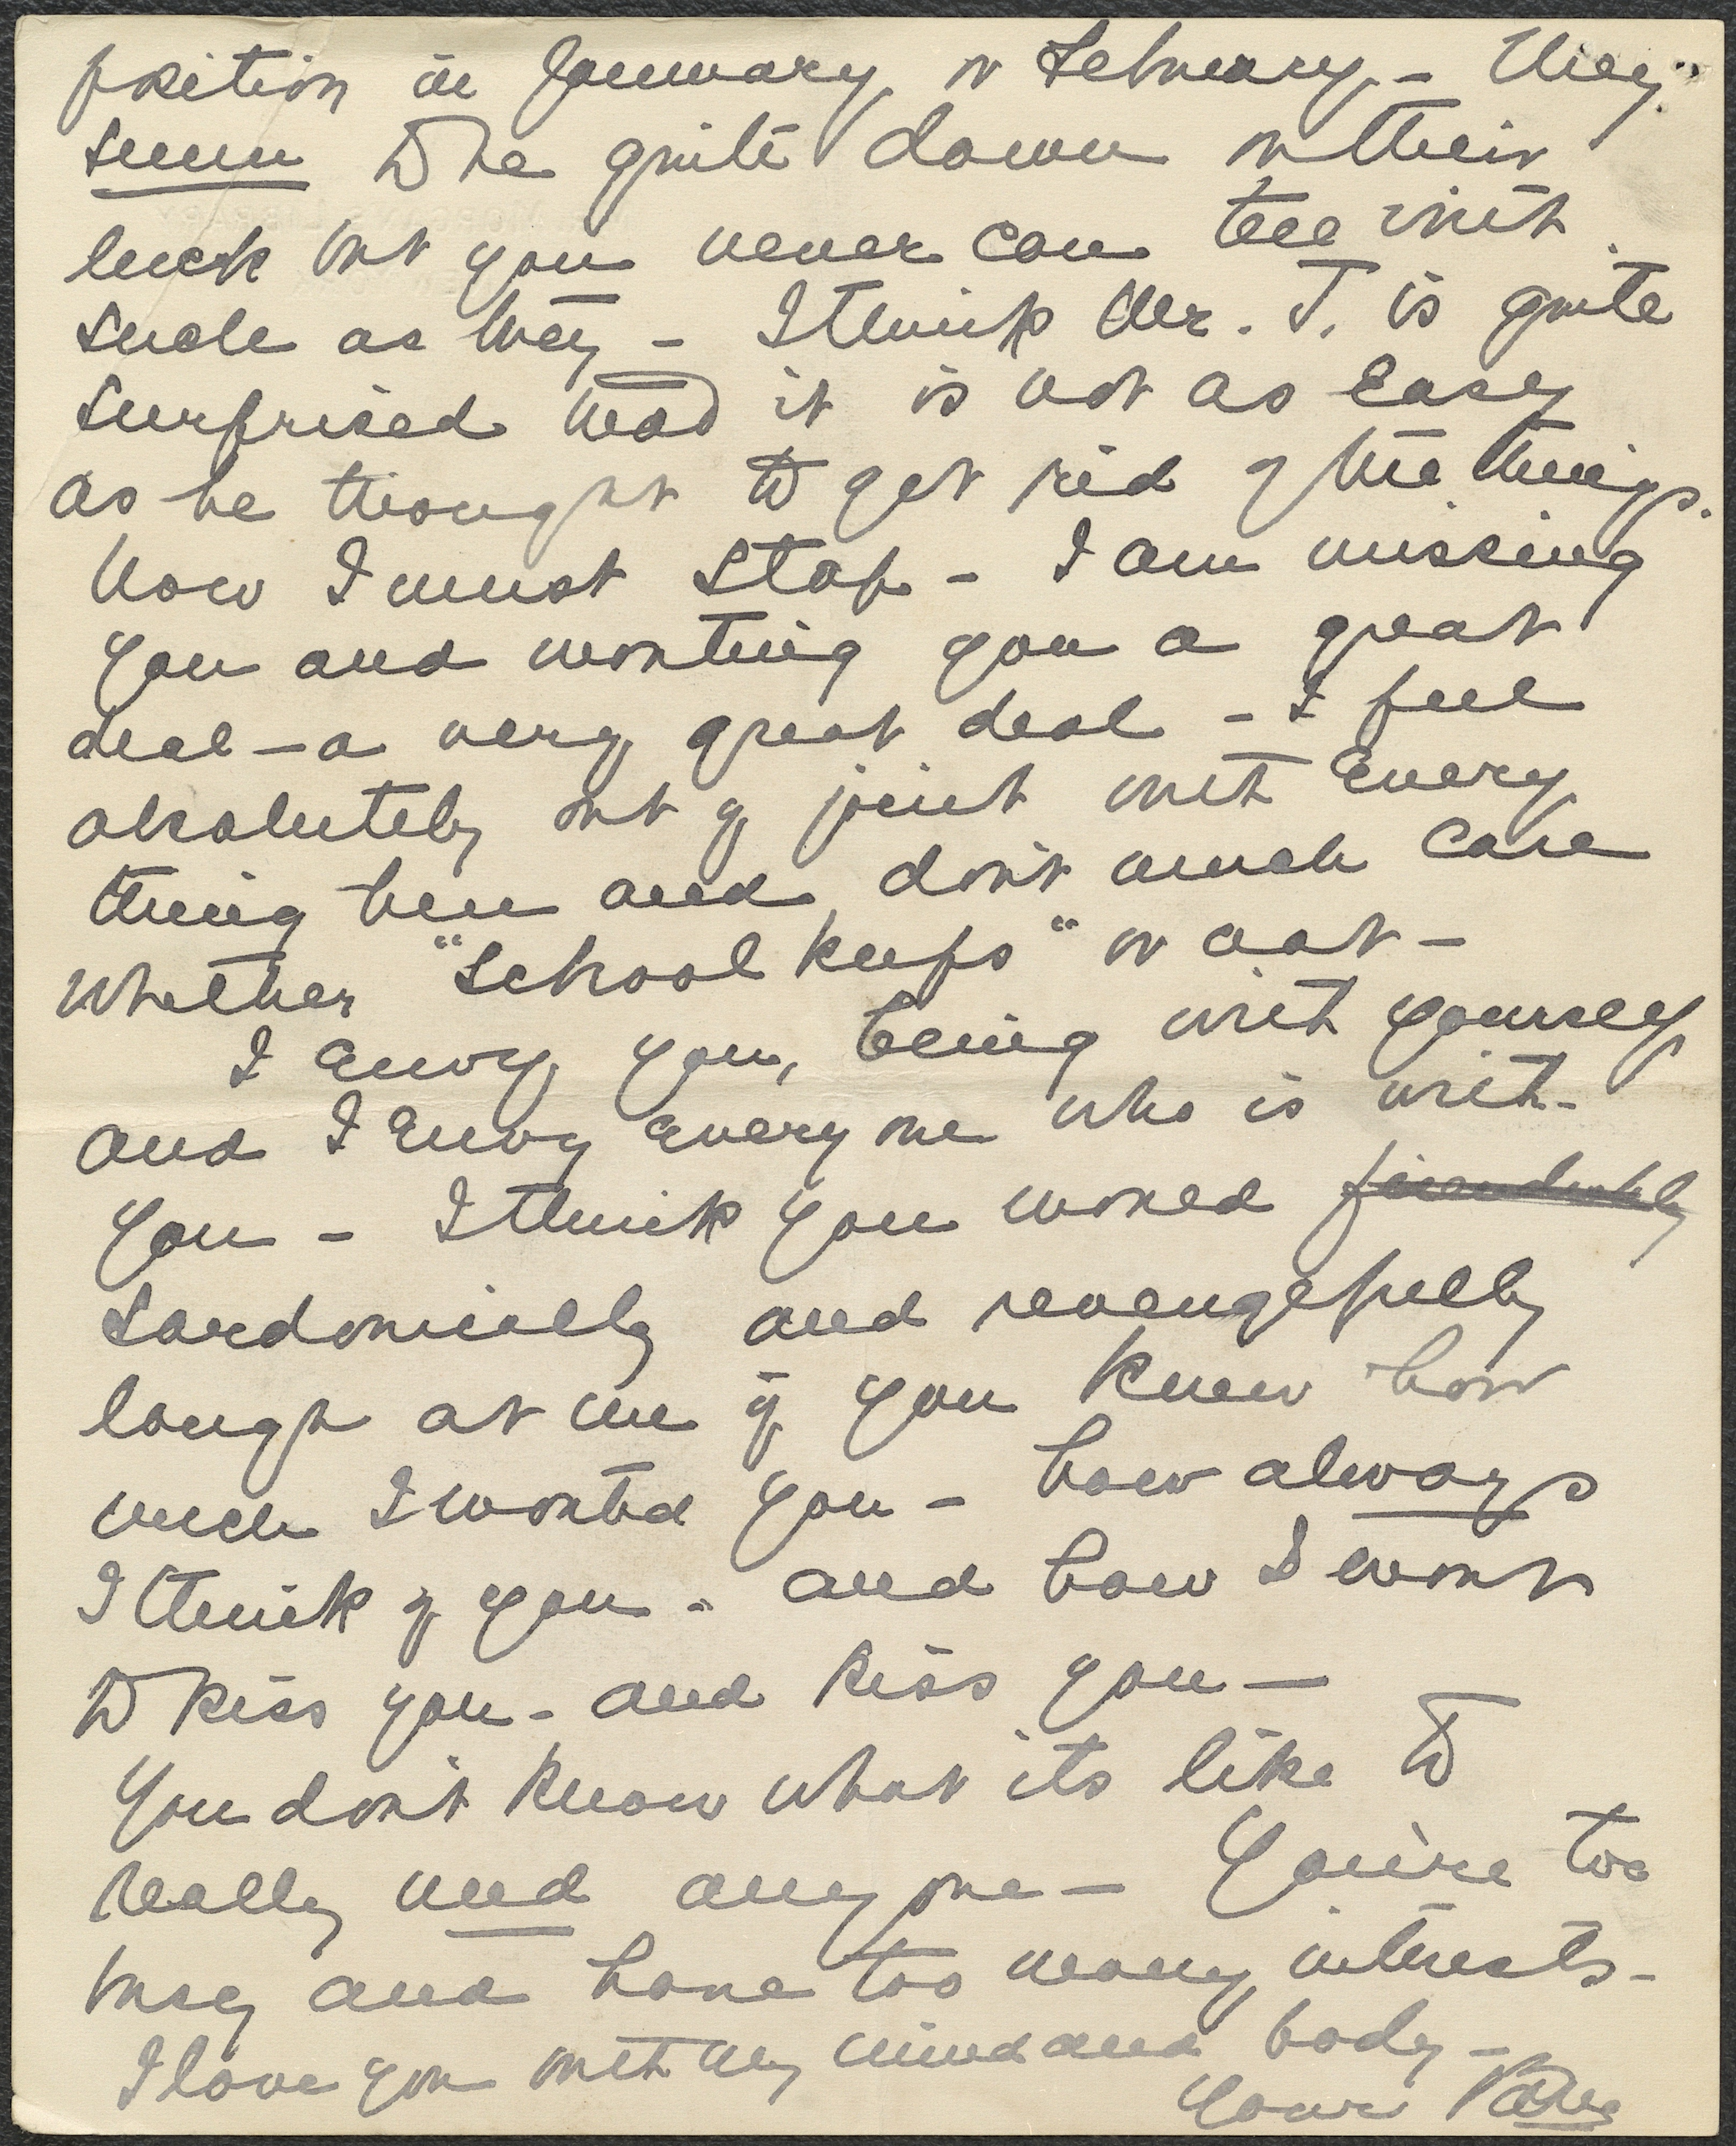[t. 8]
position in January or February – They seem to be quite down on their luck but you never can tell with such as they – I think Mr. J is quite surprised that it is not as easy as he thought to get rid of the things.
Now I must stop – I am missing you and wanting you a great deal – a very great deal – I feel absolutely out of joint with every thing here and don’t much care whether “school keeps” or not –
I envy you, being with yourself and I envy everyone who is with you – I think you would fiendishly sardonically and revengefully laugh at me if you knew how much I wanted you – how always I think of you – and how I want to kiss you – and kiss you –
You don’t know what it's like to really need anyone – You’re too busy and have too many interests –
I love you with my mind and body –
Your Belle